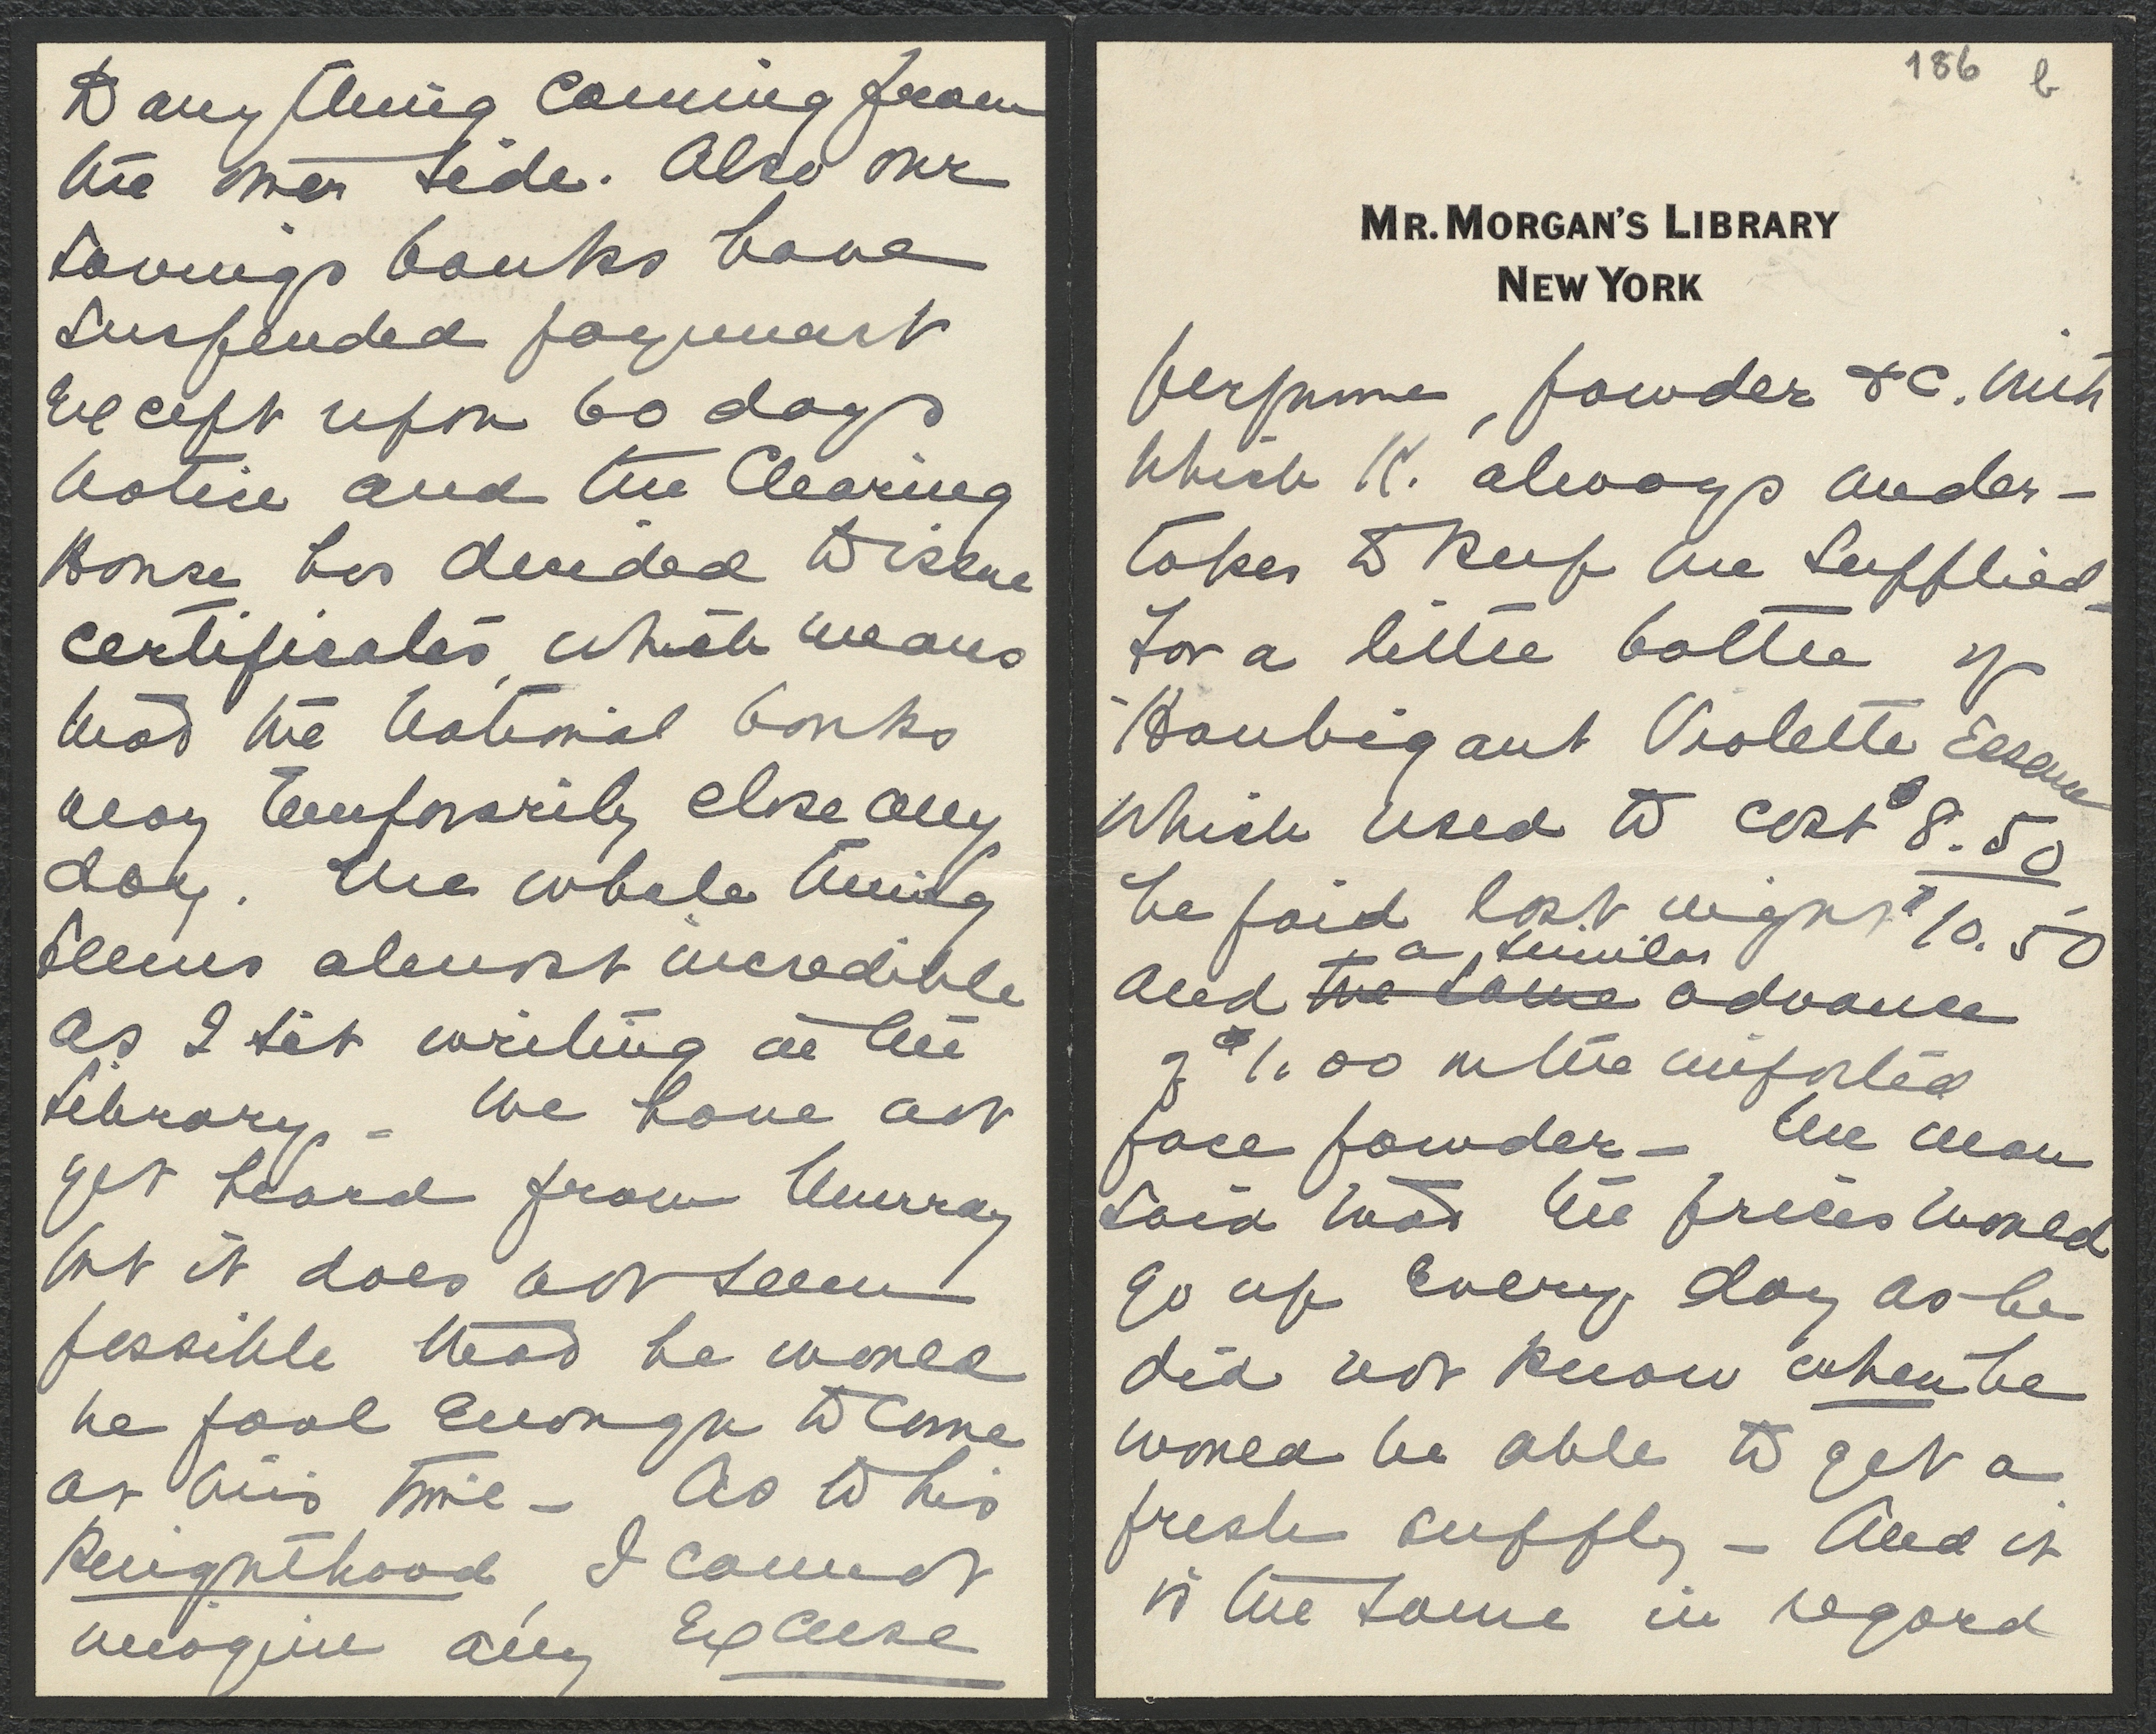perfume, powder &c. with which K. always undertakes to keep me supplied – For a little bottle of Haubigaut Violette Essence which used to cost $8.50, he paid last night $10.50 and the same [^a similar^] advance of $1.00 on the imported face powder – The man said that the prices would go up every day as he did not know when he would be able to get a fresh supply – And it is the same in regard
to anything coming from the other side. Also our savings banks have suspended payment except upon 60 days notice and the Clearing House has decided to issue certificates which means that the national banks may temporarily close any day. The whole thing seems almost incredible as I sit writing in the Library – We have not yet heard from Murray but it does not seem possible that he would be fool enough to come at this time – As to his knighthood, I cannot imagine any excuse